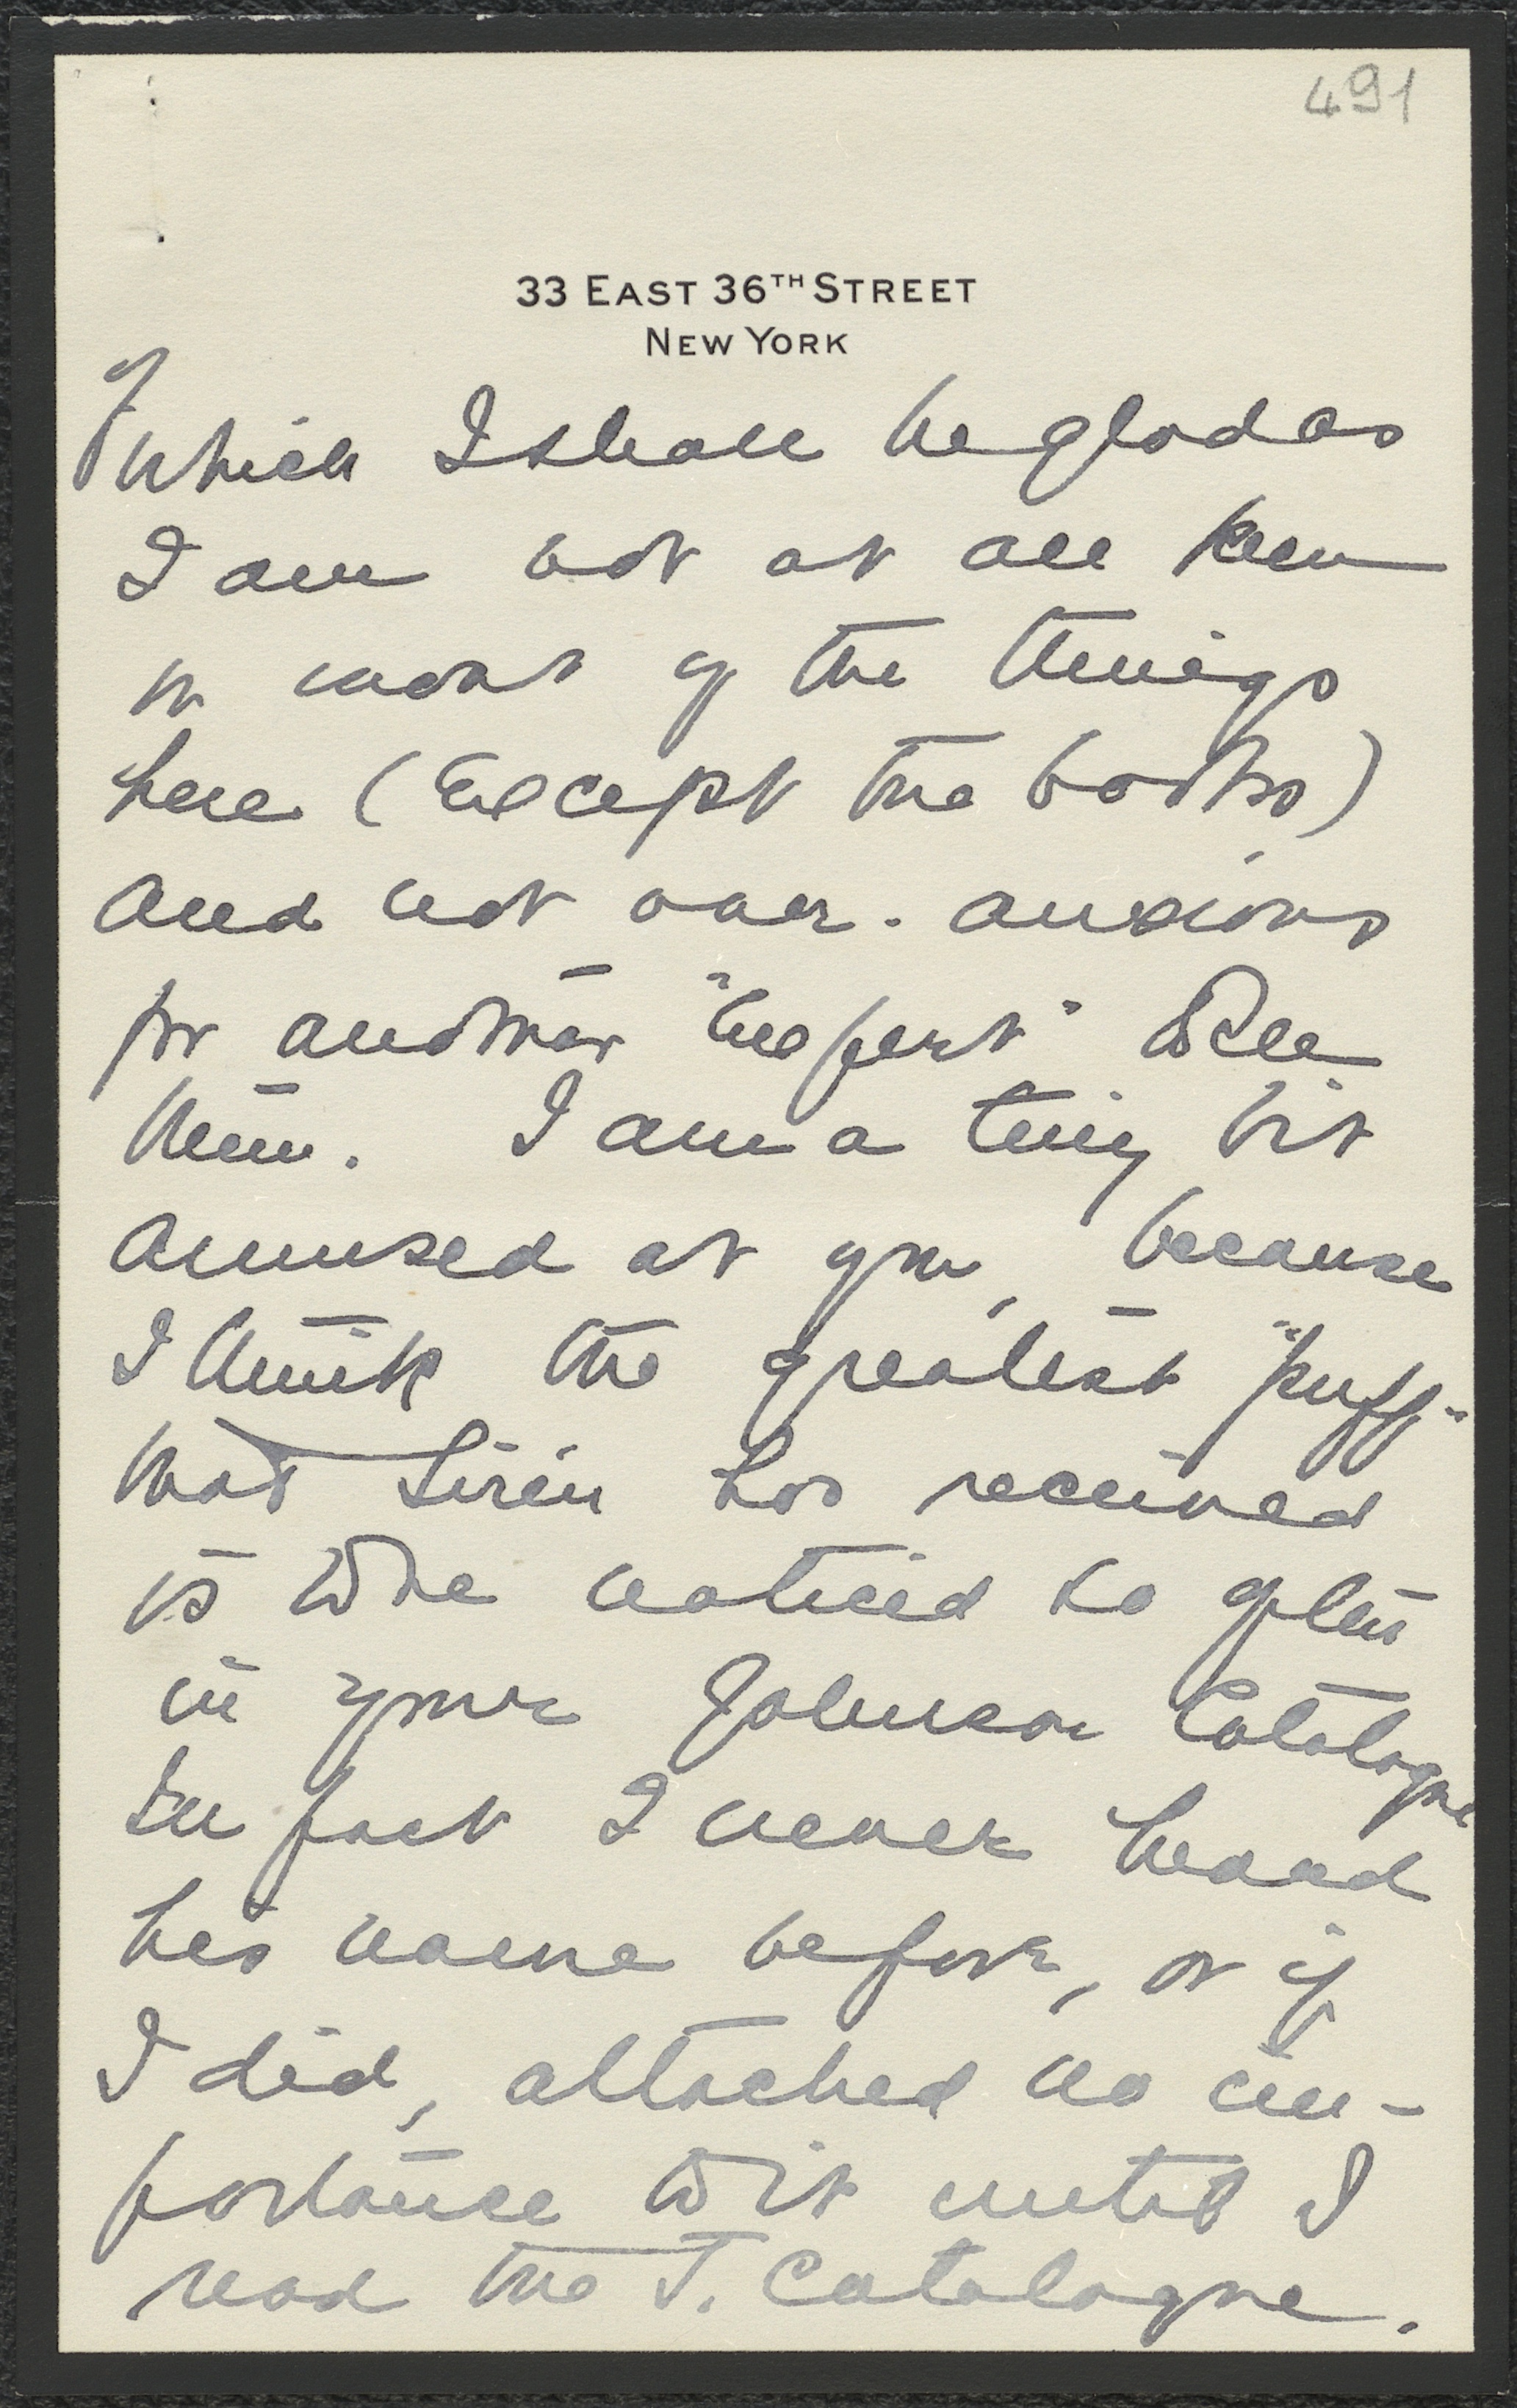of which I shall be glad as I am not at all keen on most of the things here )except the books) and not over-anxious for another “expert” to see them. I am a tiny bit amused at you, because I think the greatest “puff” that Sirén has received is to be noticed so often in your Johnson catalogue
In fact I never heard his name before, or if I did, attached no importance to it until I read the J. Catalogue.